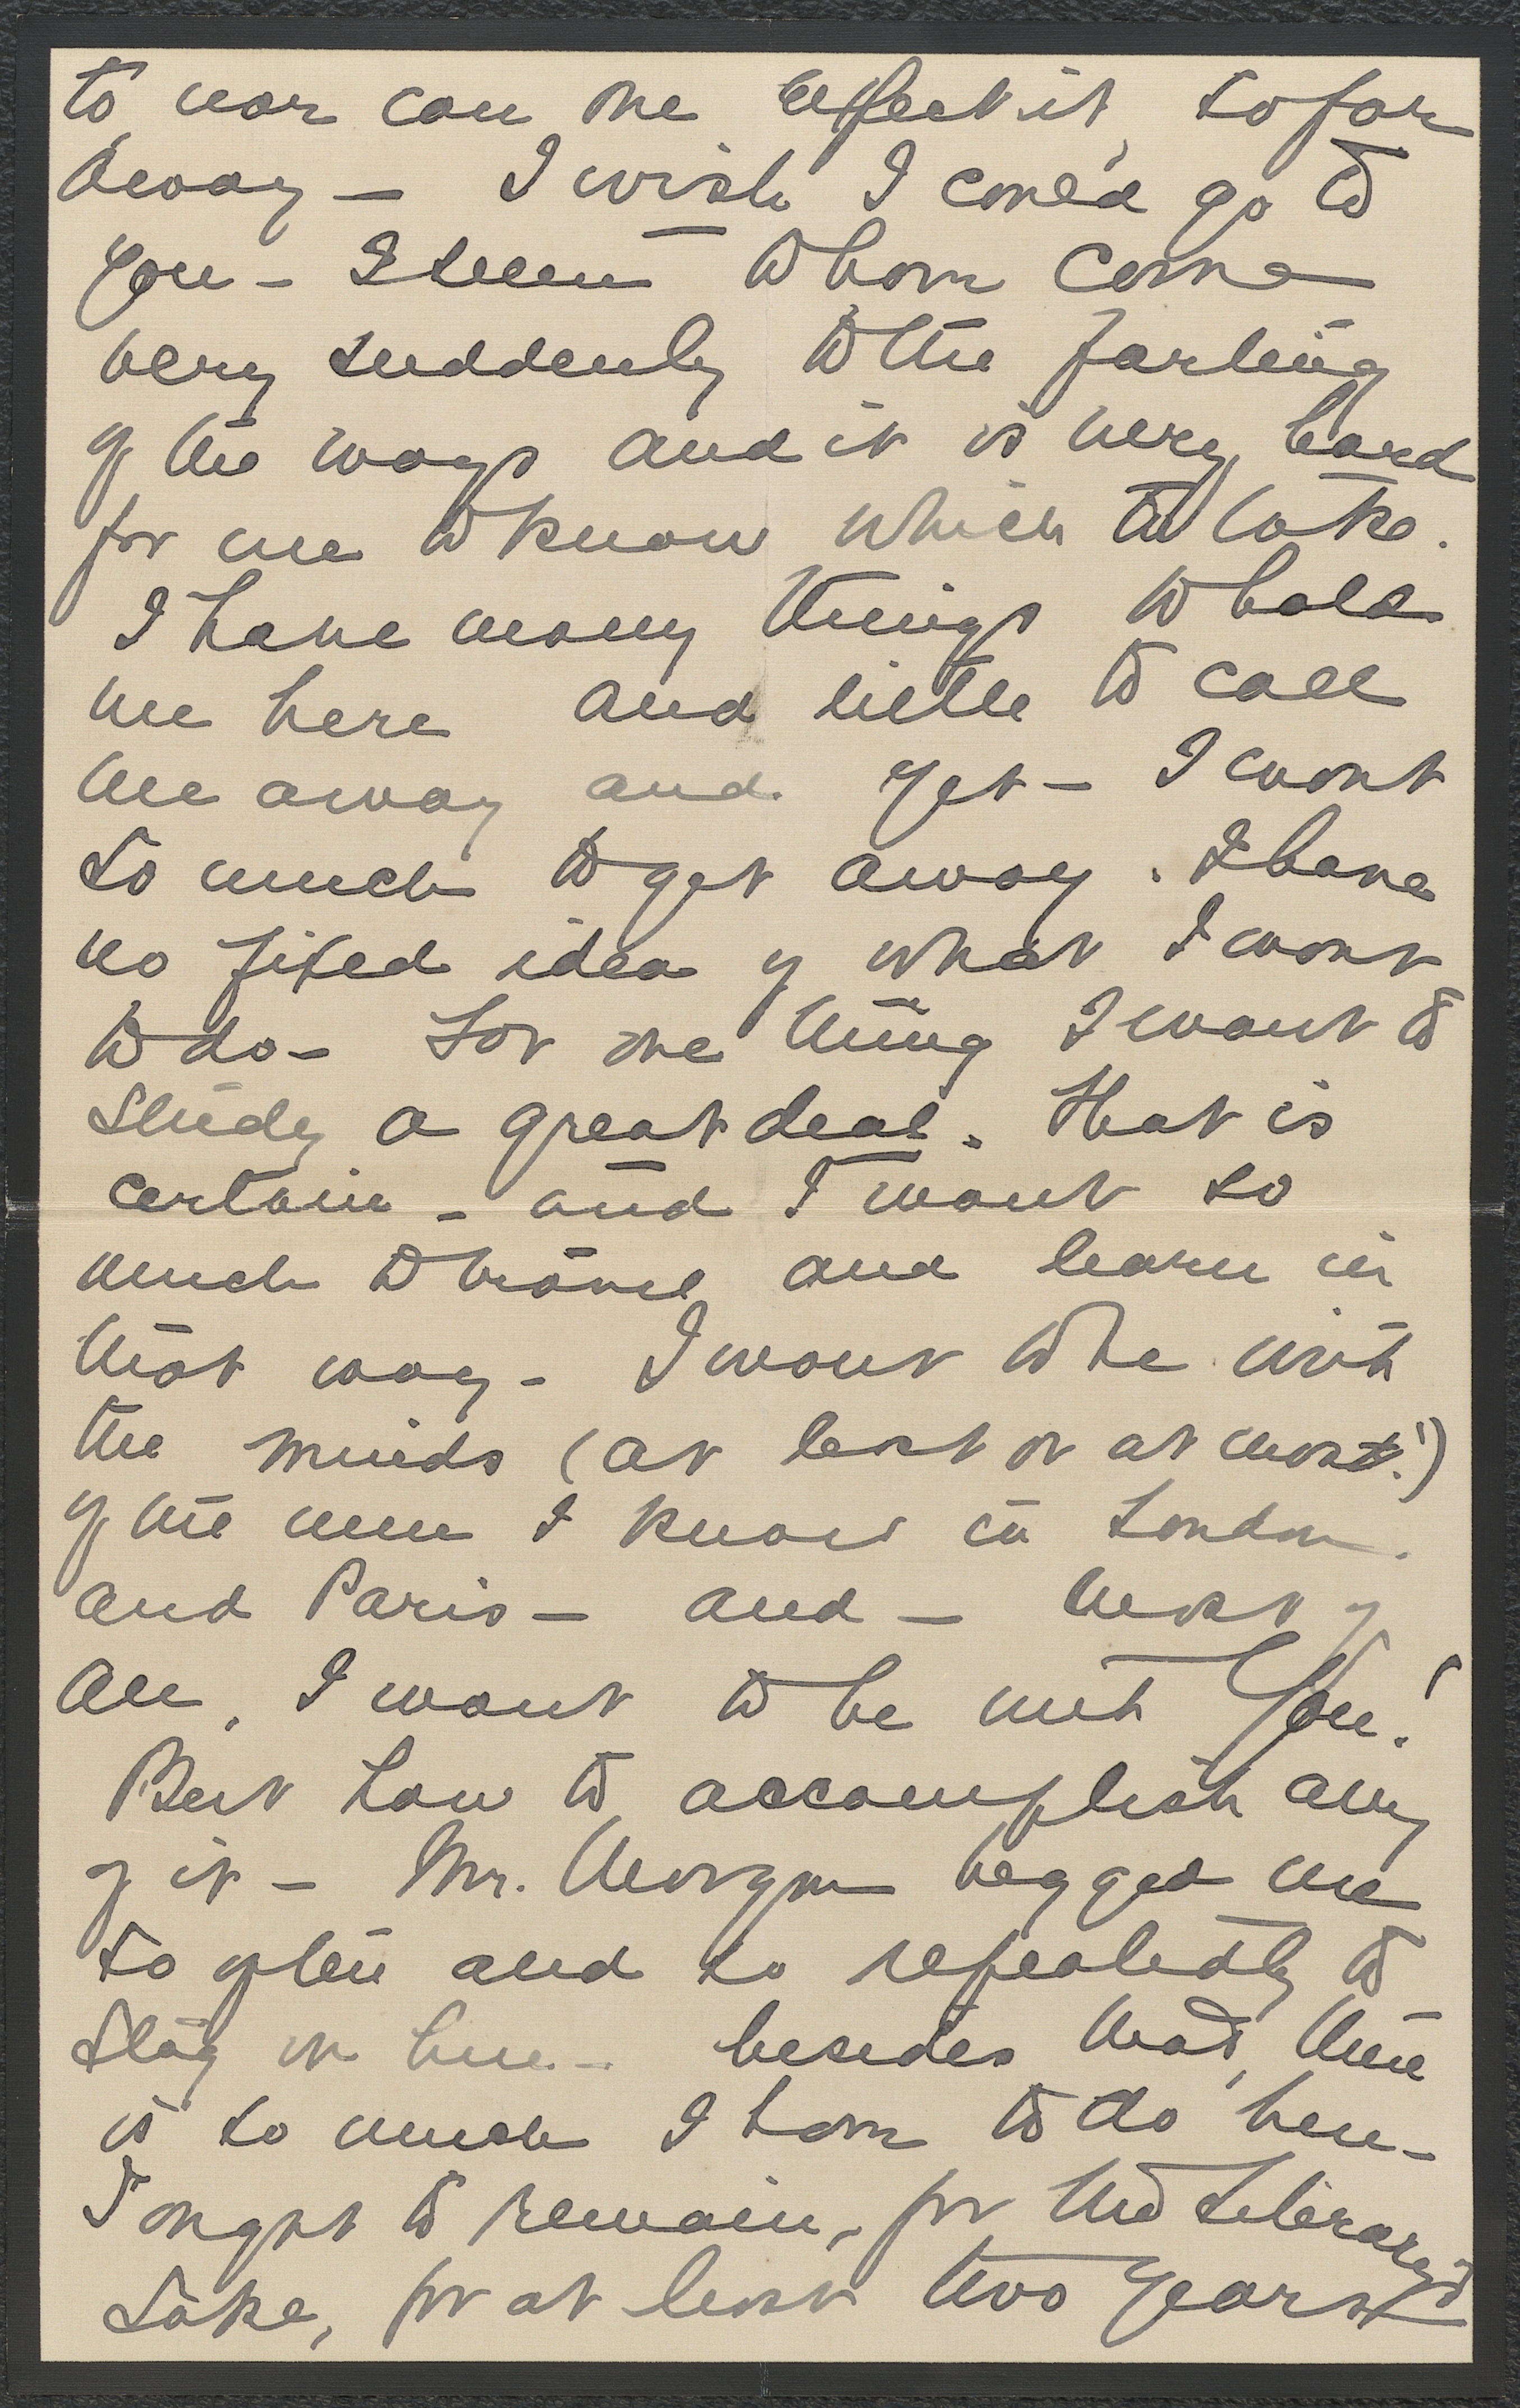to nor can one expect it, so far away – I wish I could go to you – I seem to have come very suddenly to the parting of the ways and it is very hard for me to know which to take. I have many things to hold me here and little to call me away and yet – I want so much to get away. I have no fixed idea of what I want to do – For one thing I want to study a great deal. That is certain – and I want so much to travel and learn in that way – I want to be with the minds (at least or at most!) of the men I know in London and Paris – and – most of all, I want to be with you! But how to accomplish any of it – Mr. Morgan begged me so often and so repeatedly to stay in here – besides that, there is so much I have to do here – I ought to remain, for the Library’s sake, for at least two years